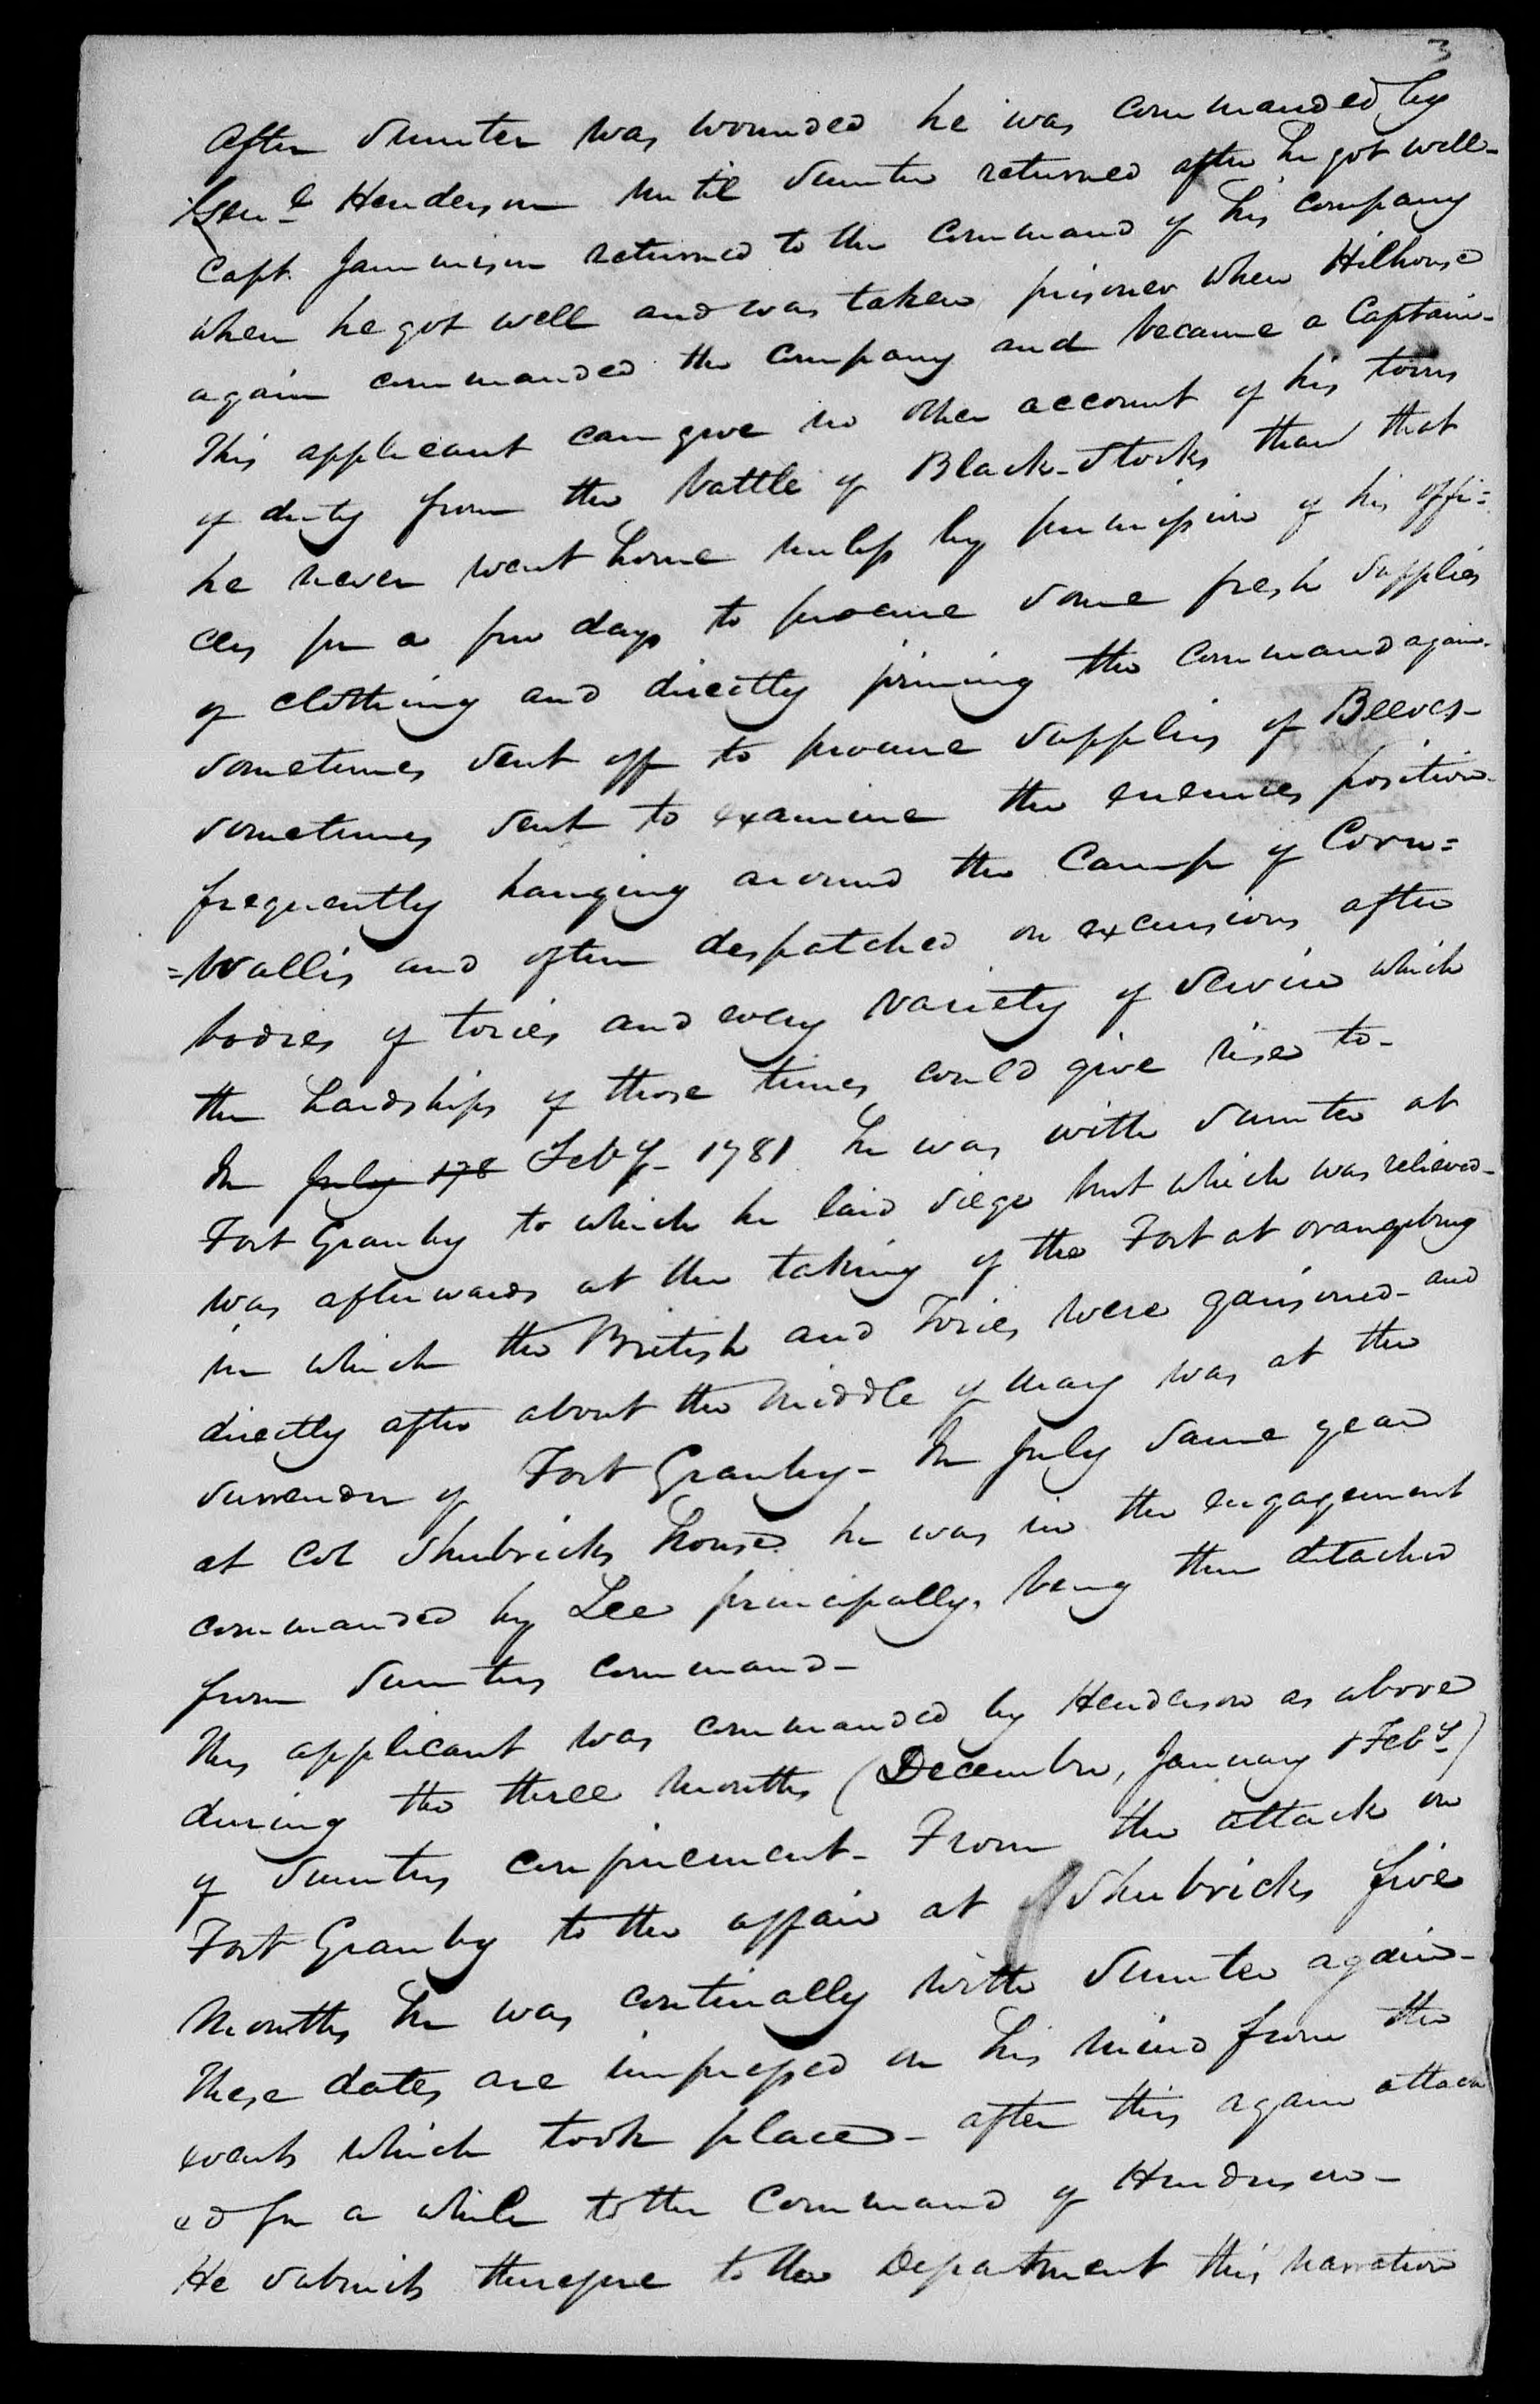After Sumter was wounded he was commaded by Genl Henderson until Sumter returned after his job with Capt. Jamenison returned to the command of his company when he got well and was taken prisoner when Hilhouse again commanded the company and became a Captain.

This applicant can give us other account of his tours of duty from the battle of Black.Storks than that he never went home unless by permission  of his officers for a few days to procure some fresh supplies of clothing and directly joining the command again. sometimes sent off to procure supplies of Beeves - sometimes sent to examine the enemies position - frequently hanging around the Camp of Cornwallis and often despatched on excursions after [illegible] of tories and every variety of service which the hardships of those times, could give rise to -

In (crossed out July 178) Feby - 1781 he was with Sumter at Fort Granby to which he laid siege but which was relieved - was afterwards at the taking of the Fort at Orangeburg in which the British and Torie, were garisoned - and directly after about the middle of way was at the surrender of Fort Granby - 

In July same year at Col Shubricks house he was in the engagement commanded by Lee principally, being their detached from Sumters command.

The applicant was commanded by Henderson as above during the three months (December, January & Feby) of Sumters  confinement - From the attack on Fort Granby to the affair at Shubricks, five months he was continually with Sumter again -
These dates are impressed on his mind from the events which took place - after this again attached events which took place - after this again attached for a while to the command of Henderson - He submits therefore to the Department this narration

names: Sumter, Lee, Henderson, Sumter, Jammison, Henderson, Shubrick, Sumter, Henderson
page: 23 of 55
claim: widow's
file: W. 22864, John Craig, S.C. Born In Iceland